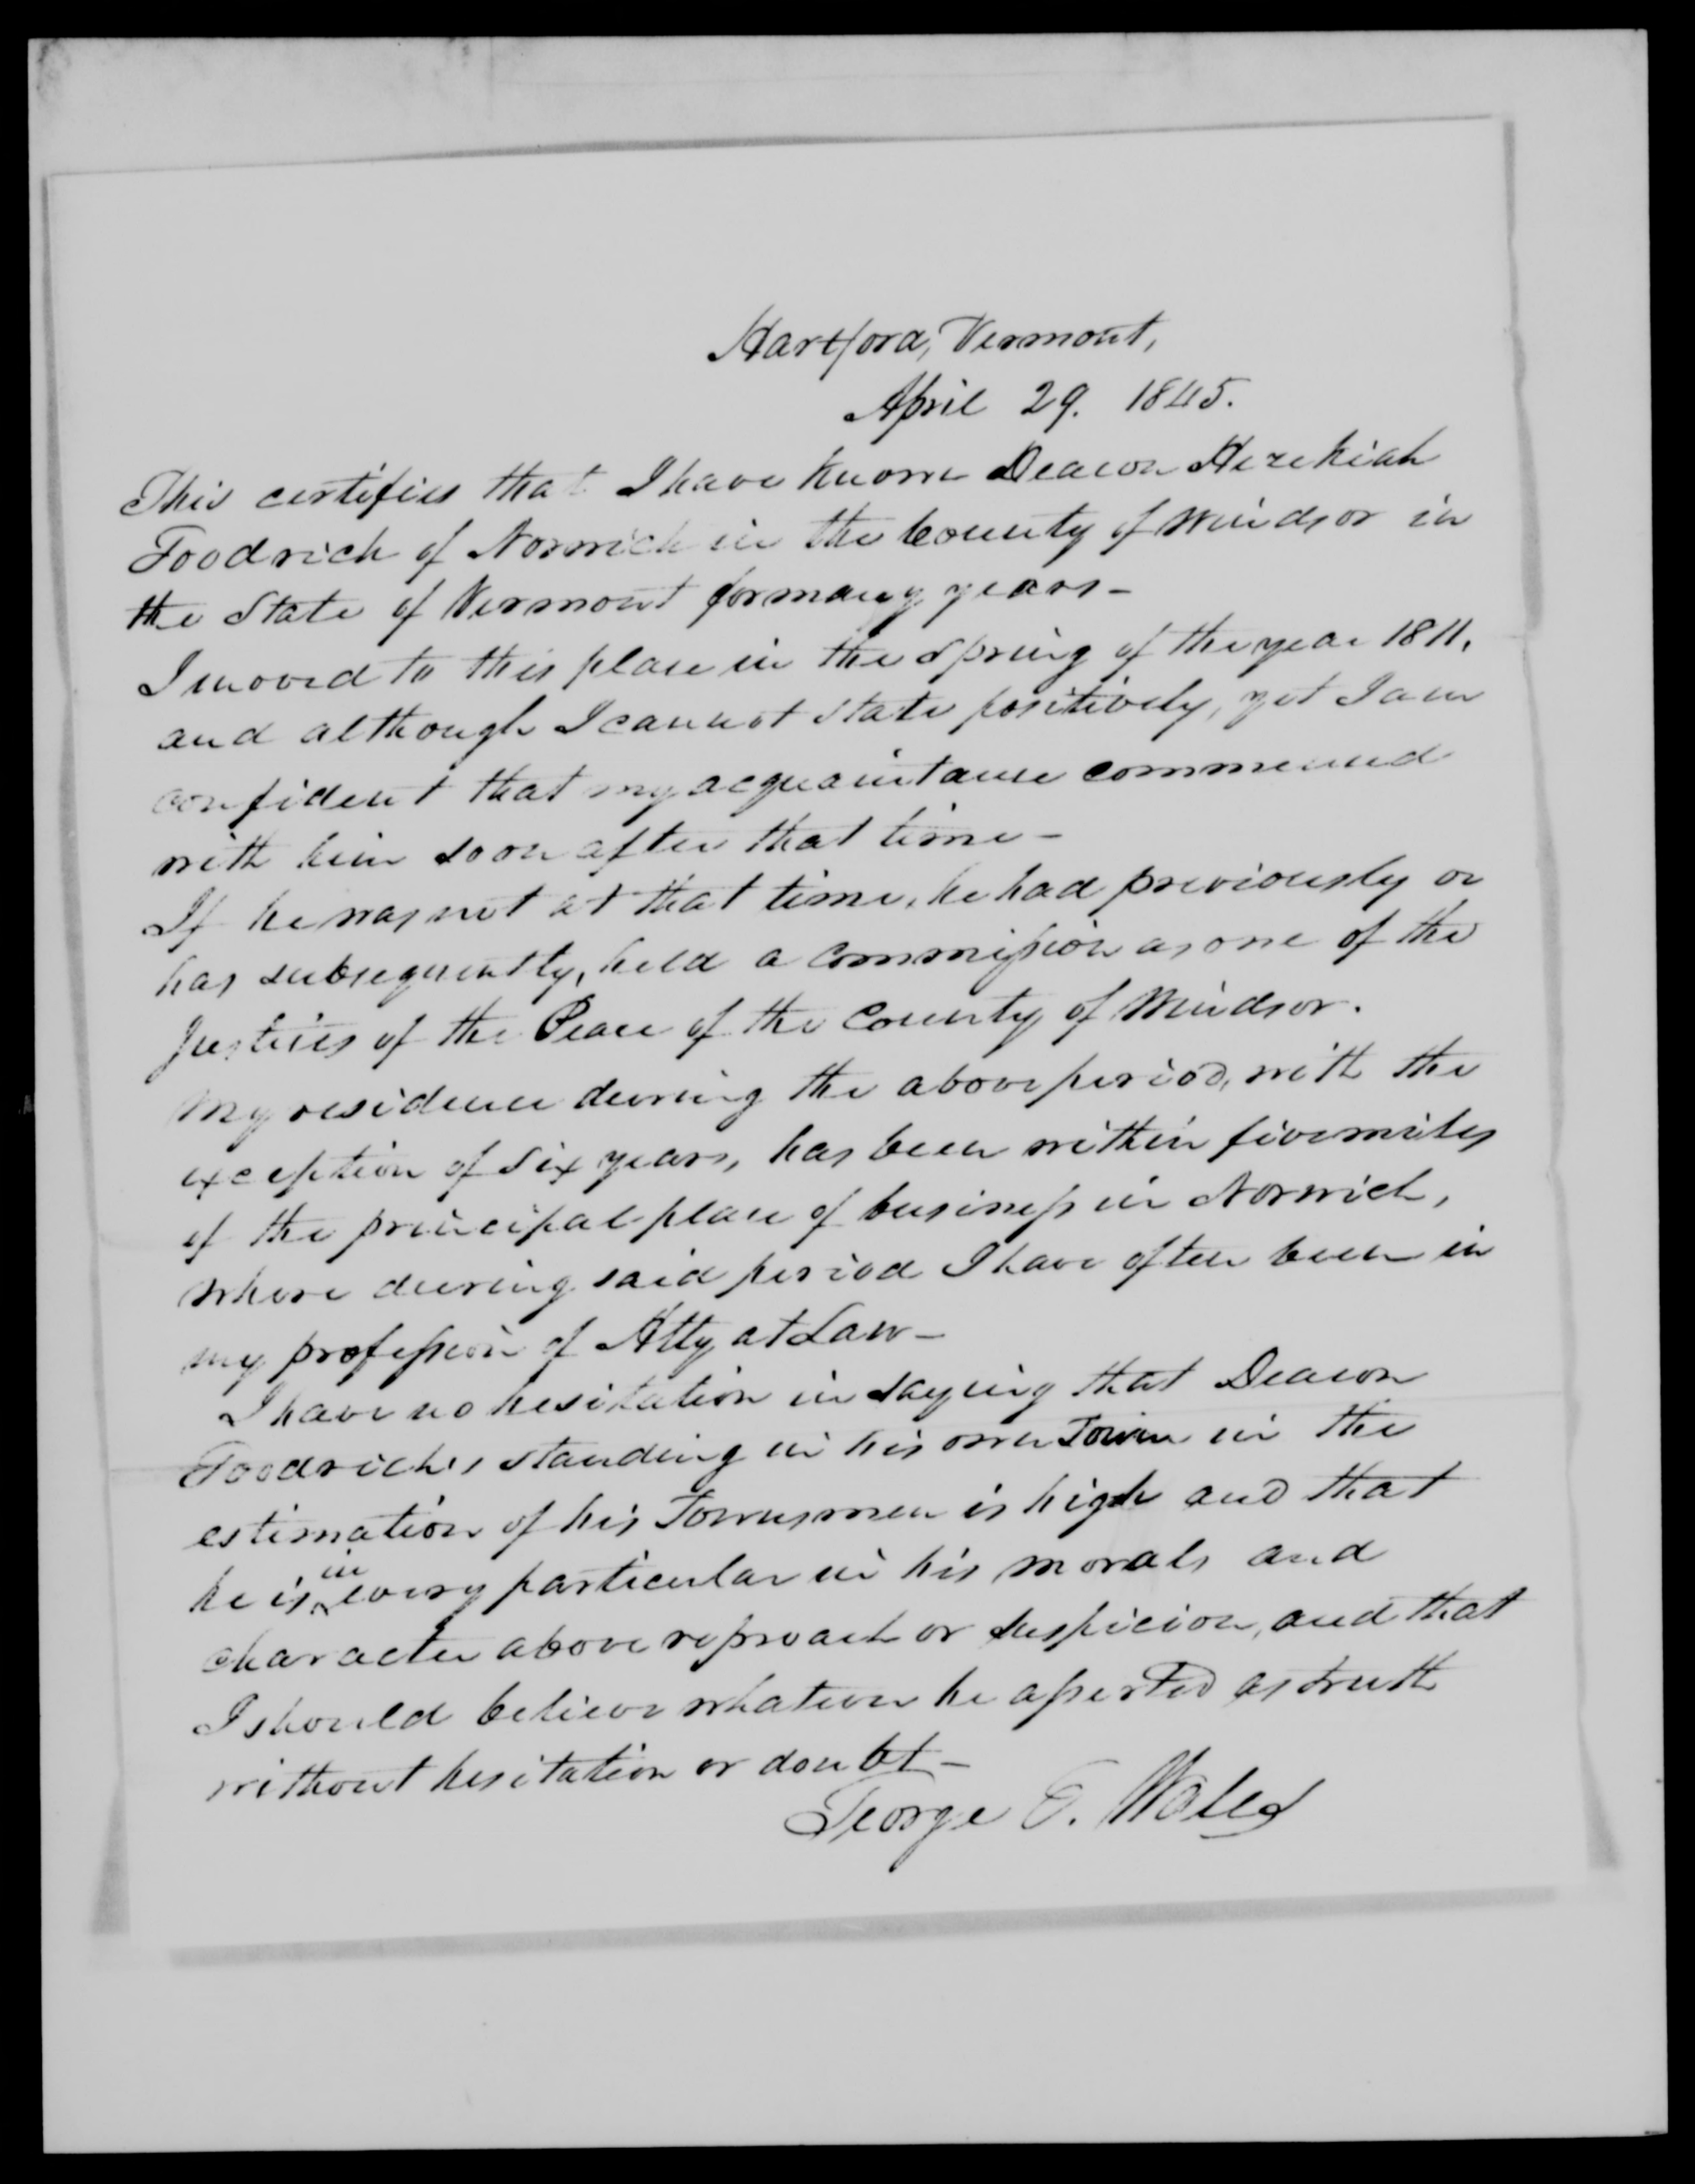Hartford, Vermont April 29 1845
This certifies that I have known Deacon Hezekiah Goodrich of Norwich in the County of Windsor in the State of Vermont for many years.
I moved to this place in the spring of the year 1811 and although I cannot state positively, yet I am confident that my acquaintance commenced with him soon after that time-
If he was not at that time he had previously or has subsequently, held a commision as one of the Justices of the Peace of the County of Windsor. My residence during the above period with exception of six years, has been within five miles of the principal place of business in Norwich where during said period I have often been in my profession of Atty at Law.
I have no hesitation in saying that Deacon Goodrich's standing in his own town in the estimation of his townsmen is high and that he is in [ ] particular in his morals and character above reproach or suspicion, and that I should believe whatever he aperted as truth without hesitation or doubt.  George E. Wales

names: Deacon Goodrich, Hezekiah Goodrich, George E Wales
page: 12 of 40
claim: widow's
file: W. 18,426, Abel Wilder, Mass. N.H. Vt.